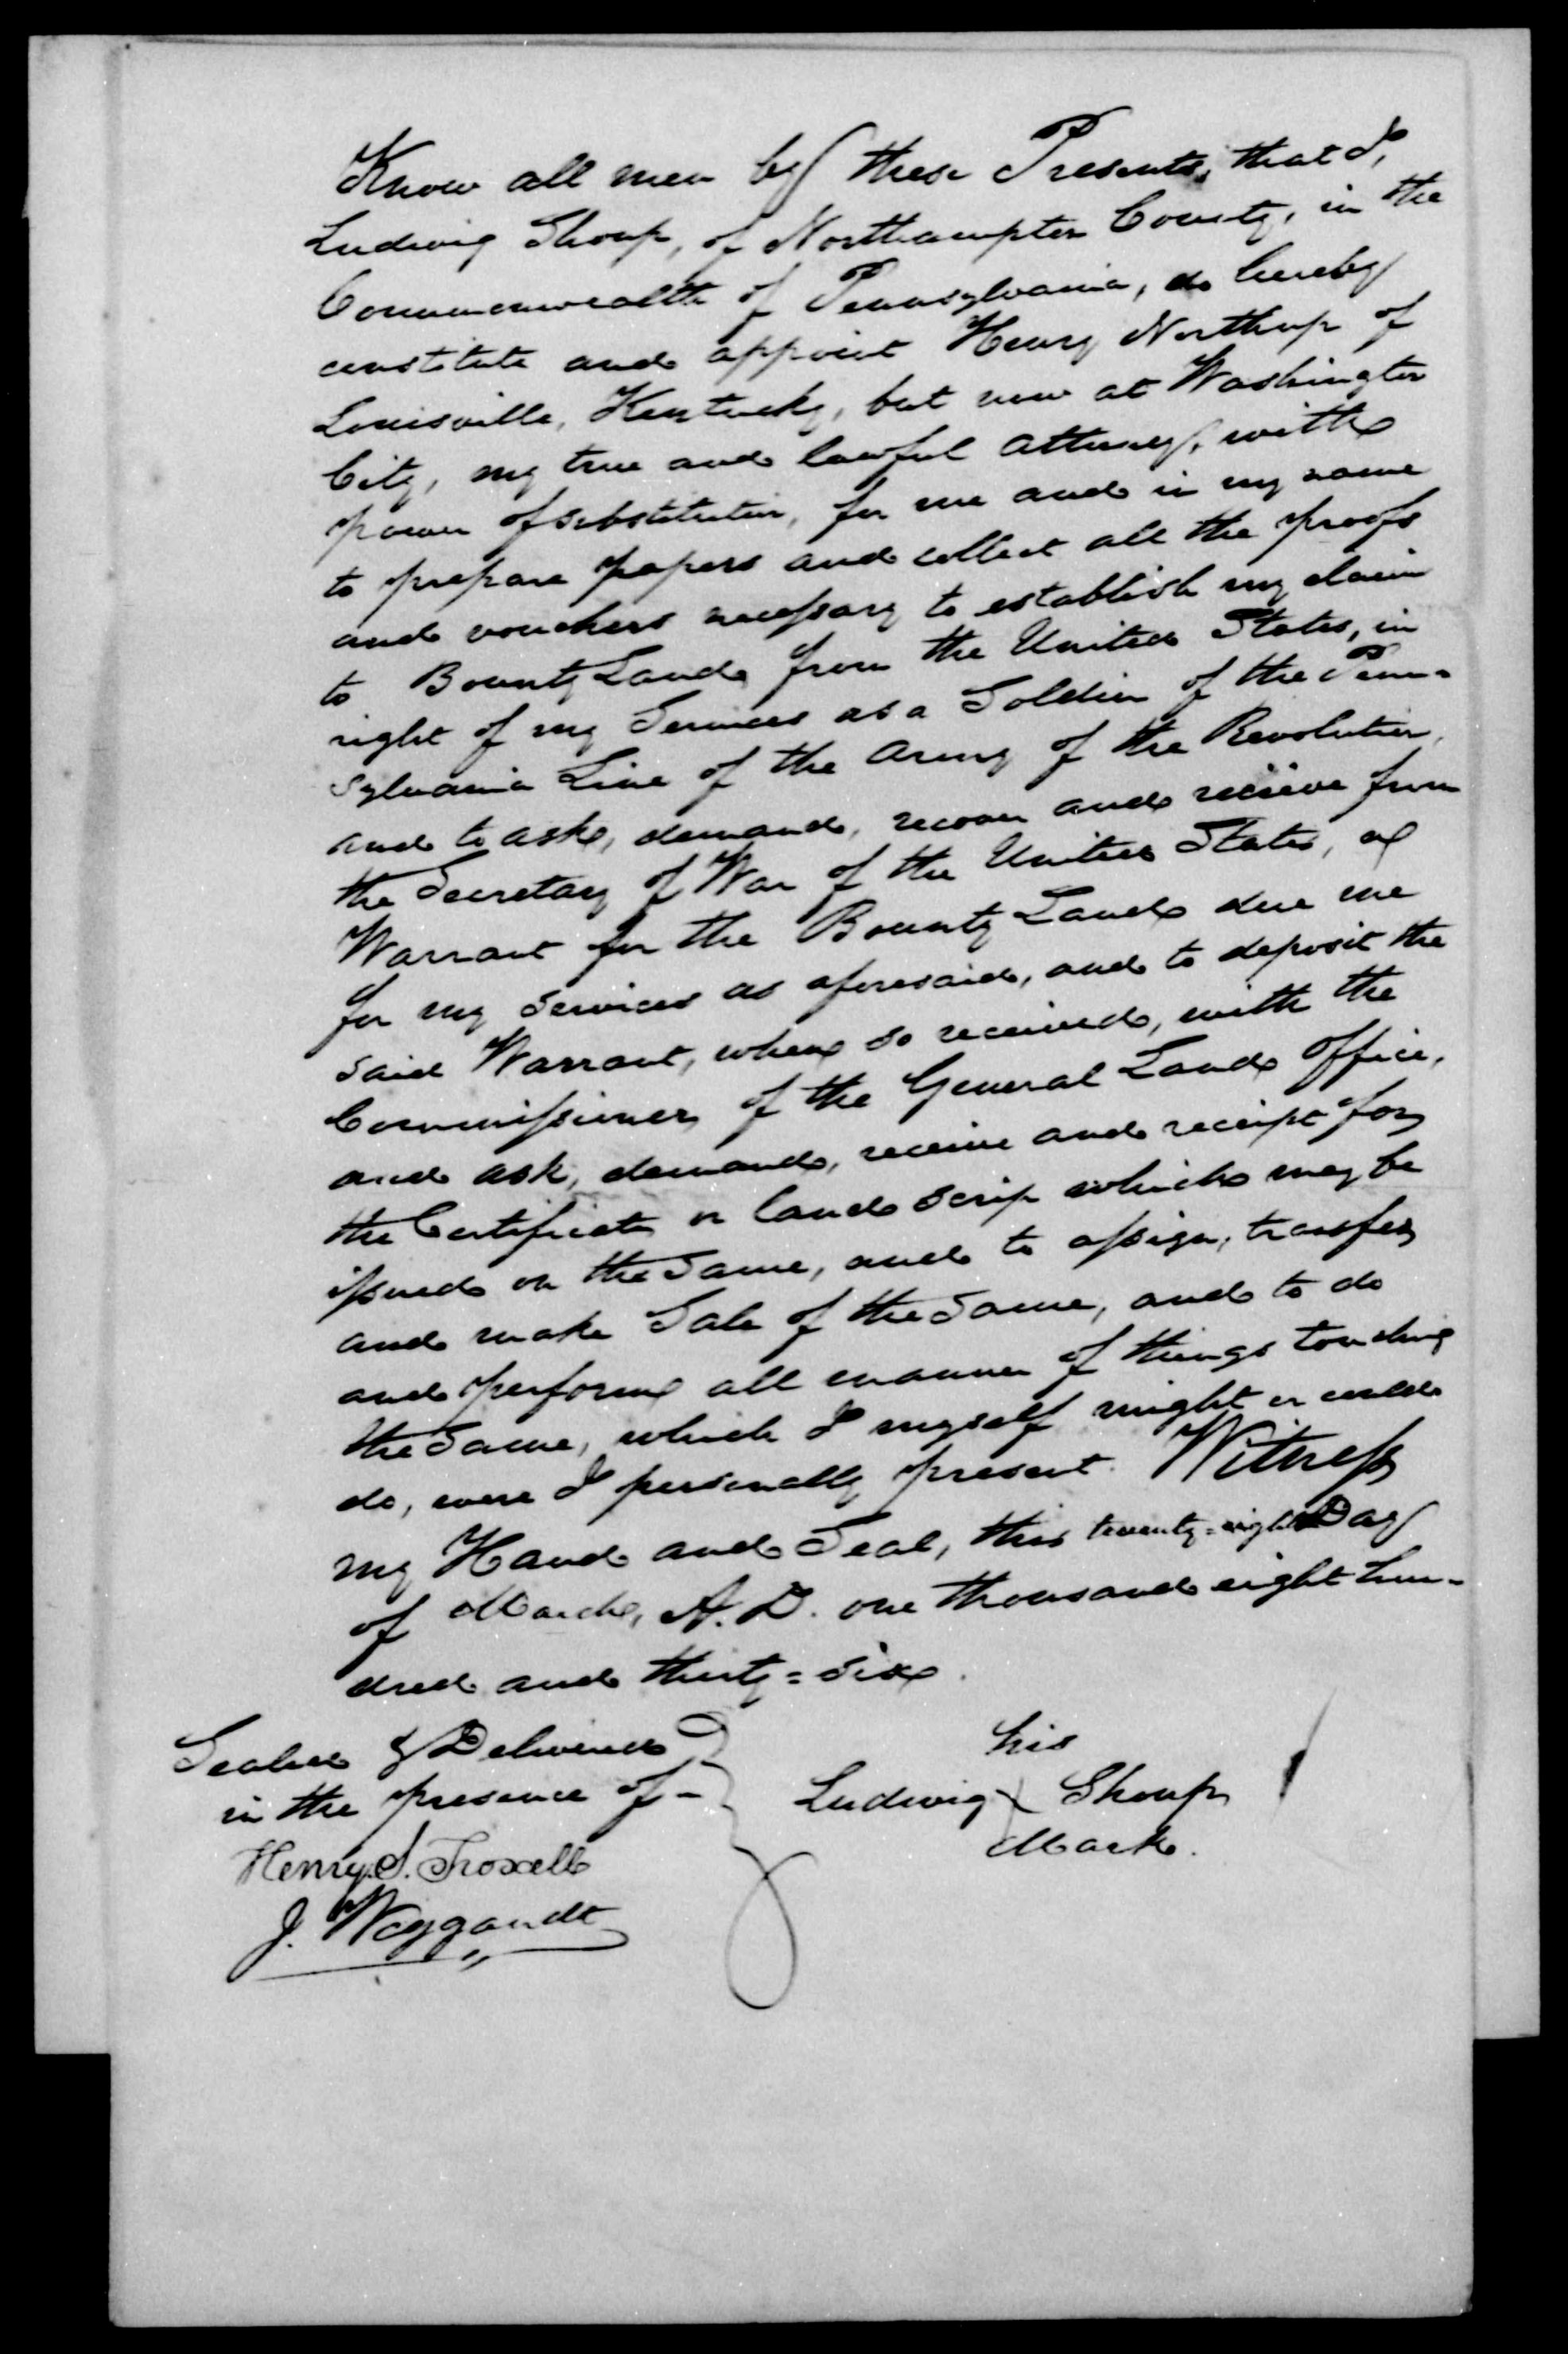Know all men by these Presents, that I, Ludwig Shoup, of Northampton County in the Commonwealth of Pennsylvania, do hereby constitute and appoint Henry Northup of Louisville, Kentucky, but now at Washington City, my true and lawful attorney, with power of substitution, for me and in my name to prepare papers and collect all the proofs and vouchers necessary to establish my claim to Bounty Land from the United States, in right o my Services as a Soldier of the Pennsylvania Line of the Army of the Revolution, and to ask, demand, recover and receive from the Secretary of War of the United States, a Warrant for the Bounty Lands due me for my services as aforesaid, and to deposit the said Warrant, when so received, with the Commissioner of the General Land Office, and ask, demands, receive and receipt for the Certificate on land scrip which may be issued on the same, and to assign, transfer and make Sale of the Same, and to do and preform all manner of things to doing the same, which I myself might or would do, were I personally present.
Witness my Hand and Seal, this twenty -eight day of March A.D. one thousand eight hundred and thirty-six.
(Signed) Ludwig (his X mark) Shoup

Sealed & Delivered }
in the presence of }
(Signed) Henry S. Troxell
(Signed) J. Weygandt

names: Ludwig Shoup; J Weygandt; Henry S Troxell; Henry Northup; Ludwig Shoup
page: 8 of 19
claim: survivor's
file: S. 40410, for Ludwig Shoup, Pennsylvania